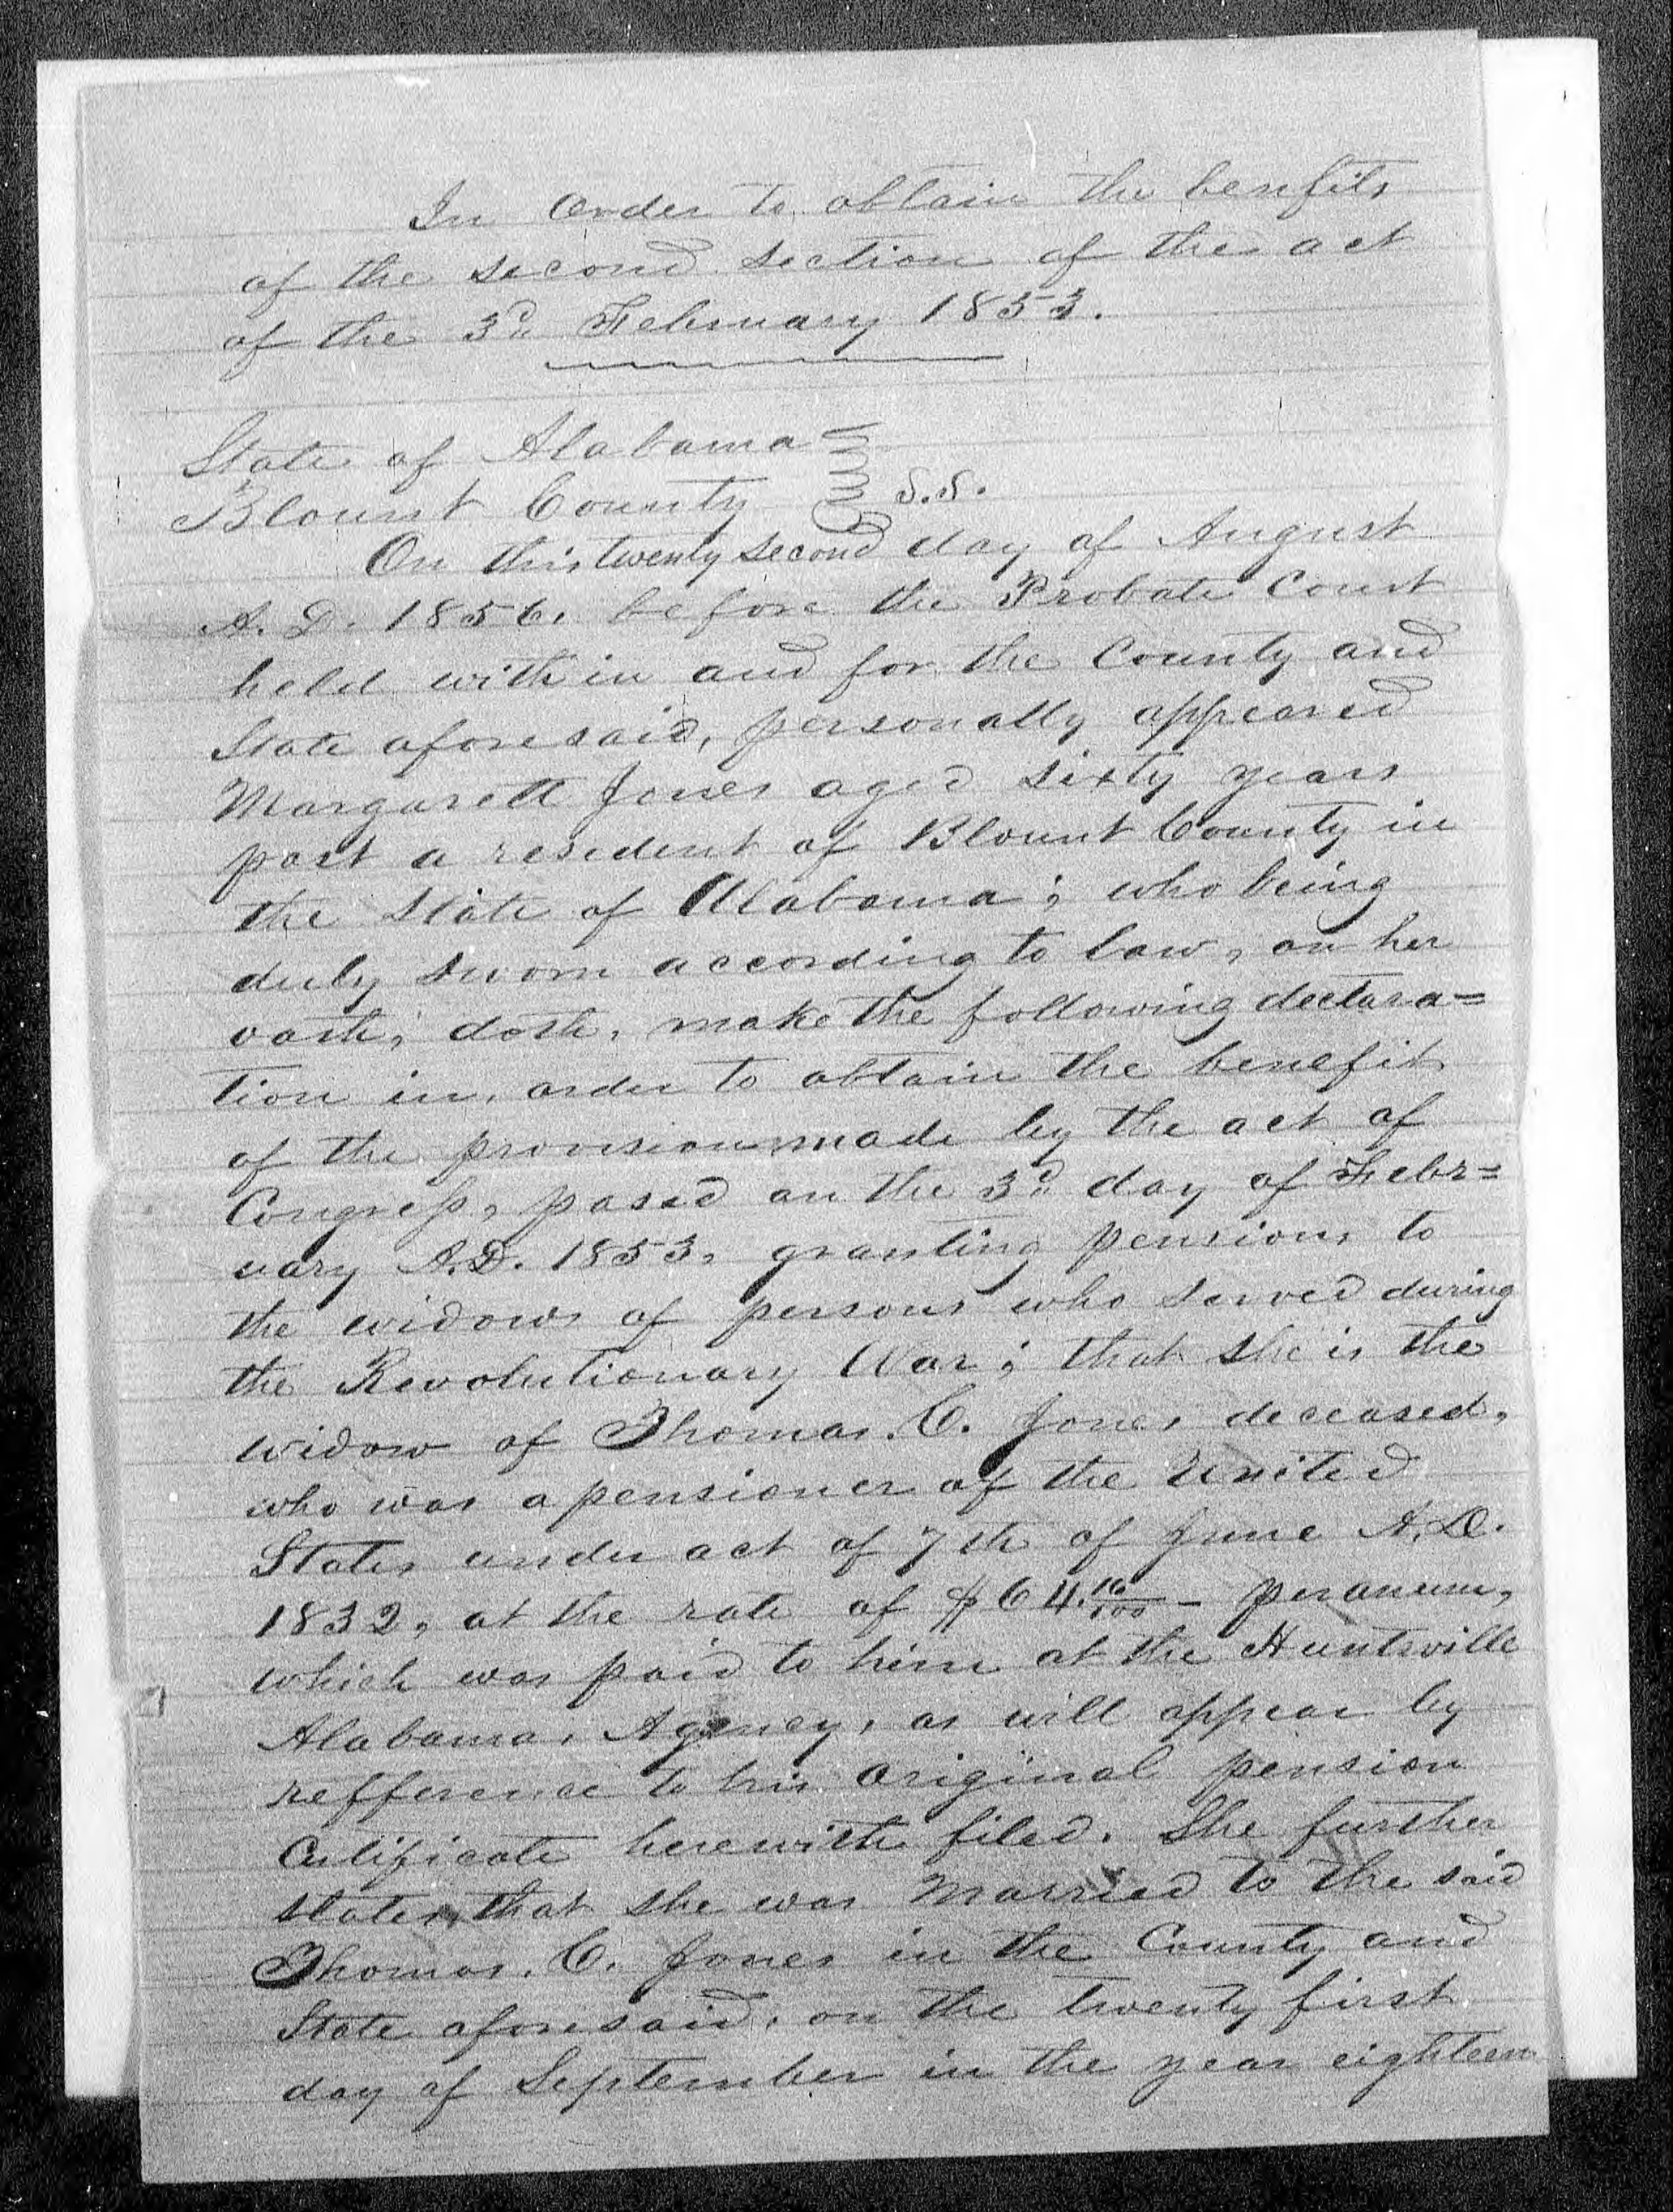In order to obtain the benefits
of the second section of the act
of the 3rd February 1853
-------
State of Alabama
Blount County S.S.
On this twenty second day of August
A.D. 1856 before the Probate Court
held within and for the county and
State aforesaid personally appeared
Margarett Jones aged sixty years
past a resident of Blount County in 
the State of Alabama; who being
duly sworn according to law, on her 
oath, doth make the following declaration
in order to obtain the benefits
of the provisions make by the act of
Congress passed on the 3rd day of February
A. D. 1853, granting pension to 
the widows of persons who served during 
the Revolutionary War; that she is the 
widow of Thomas C. Jones, deceased.
who was a pensioner of the United
States under act of 7th of June A.D.
1832, at the rate of $64.16 per annum,
which was paid to him at the Huntsville
Alabama Agency as well appears by
refference to his original pension
Certificate herewith filed.  She further
states that she was married to the said
Thomas C. Jones in the County and 
State aforesaid on the twenty first
day of September in the year eighteen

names: Thomas C Jones; Margarett Jones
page: 13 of 45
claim: widow's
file: W. 26160, for Thomas C Jones, Georgia